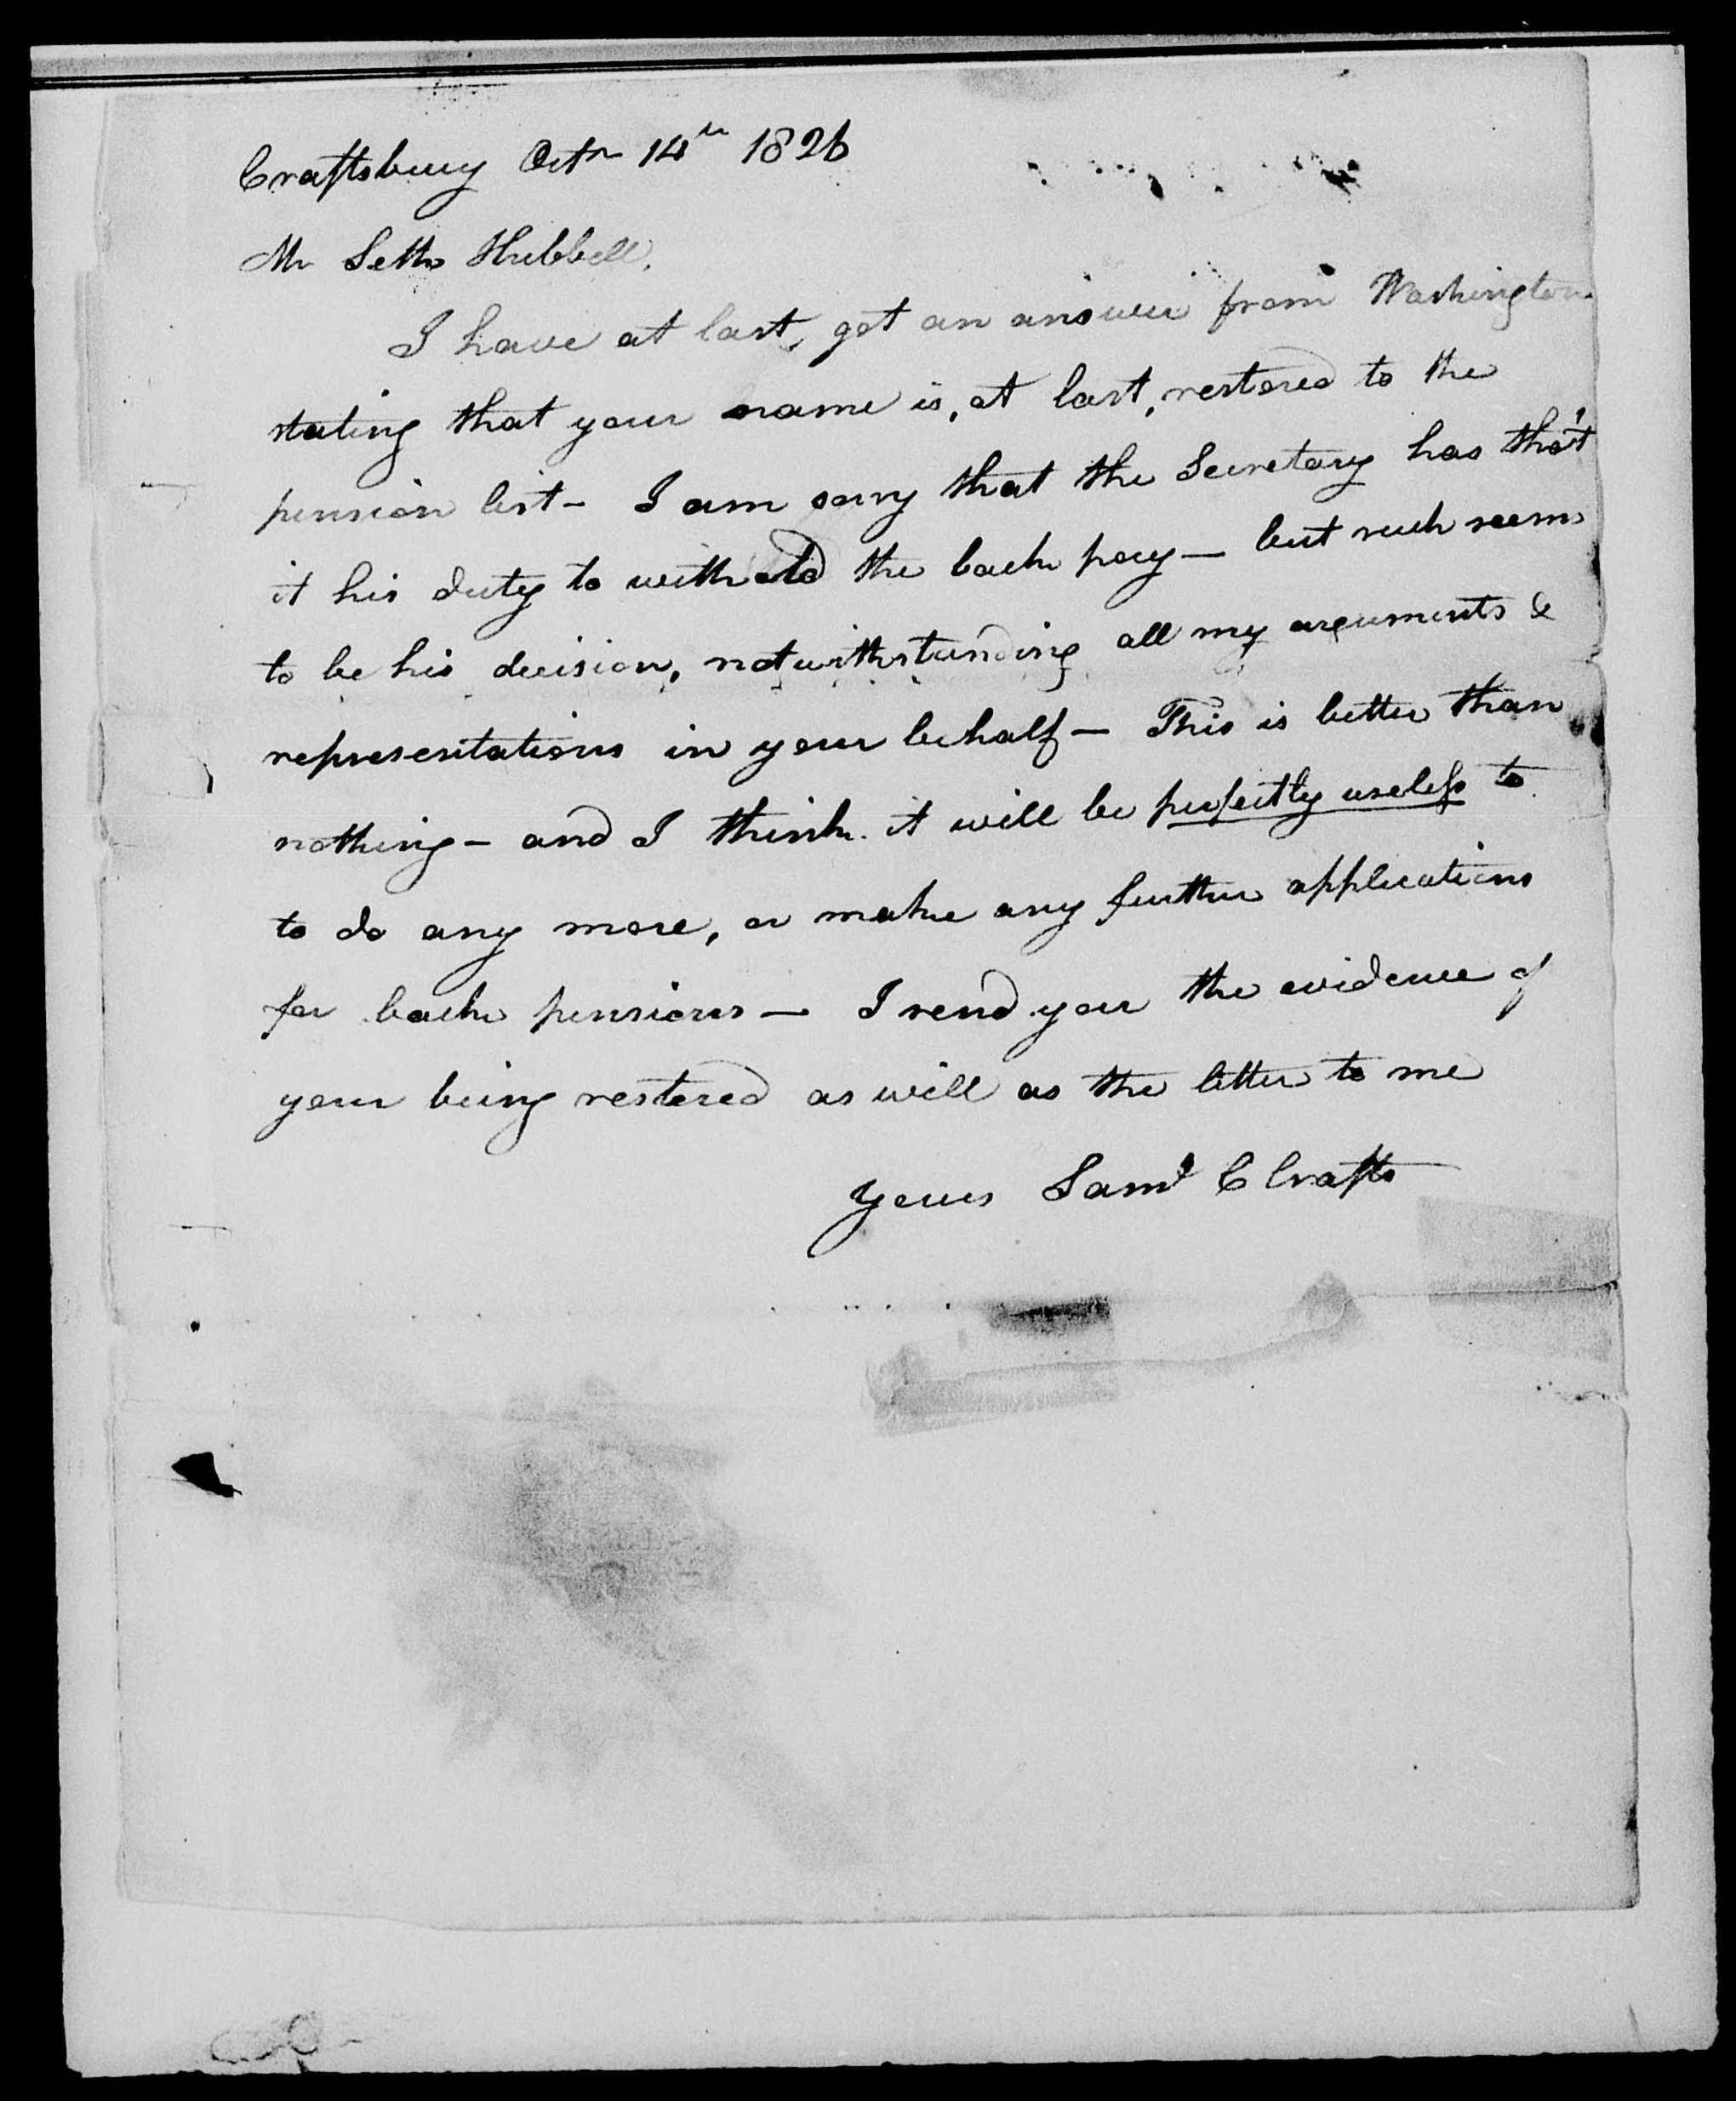Craftsbury October 14th 1826
Mr. Seth Hubbell,
I have at last, got an answer from Washington stating that your name is, at last, restored to the pension list-- I am sorry that the Secretary has thought it his duty to withhold the back pay -- but such seems to be his decision, notwithstanding all my arguments & representations in your behalf -- This is better than nothing -- and I think it will be perfectly useless to do any more, or make any further applications for back pensions -- I send you the evidence of your being restored as well as the letter to me
Yours, Saml C Crafts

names: Seth Hubbell, Saml Clrafts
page: 31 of 114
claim: widow's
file: W. 2115, Seth Hubbell, Conn.